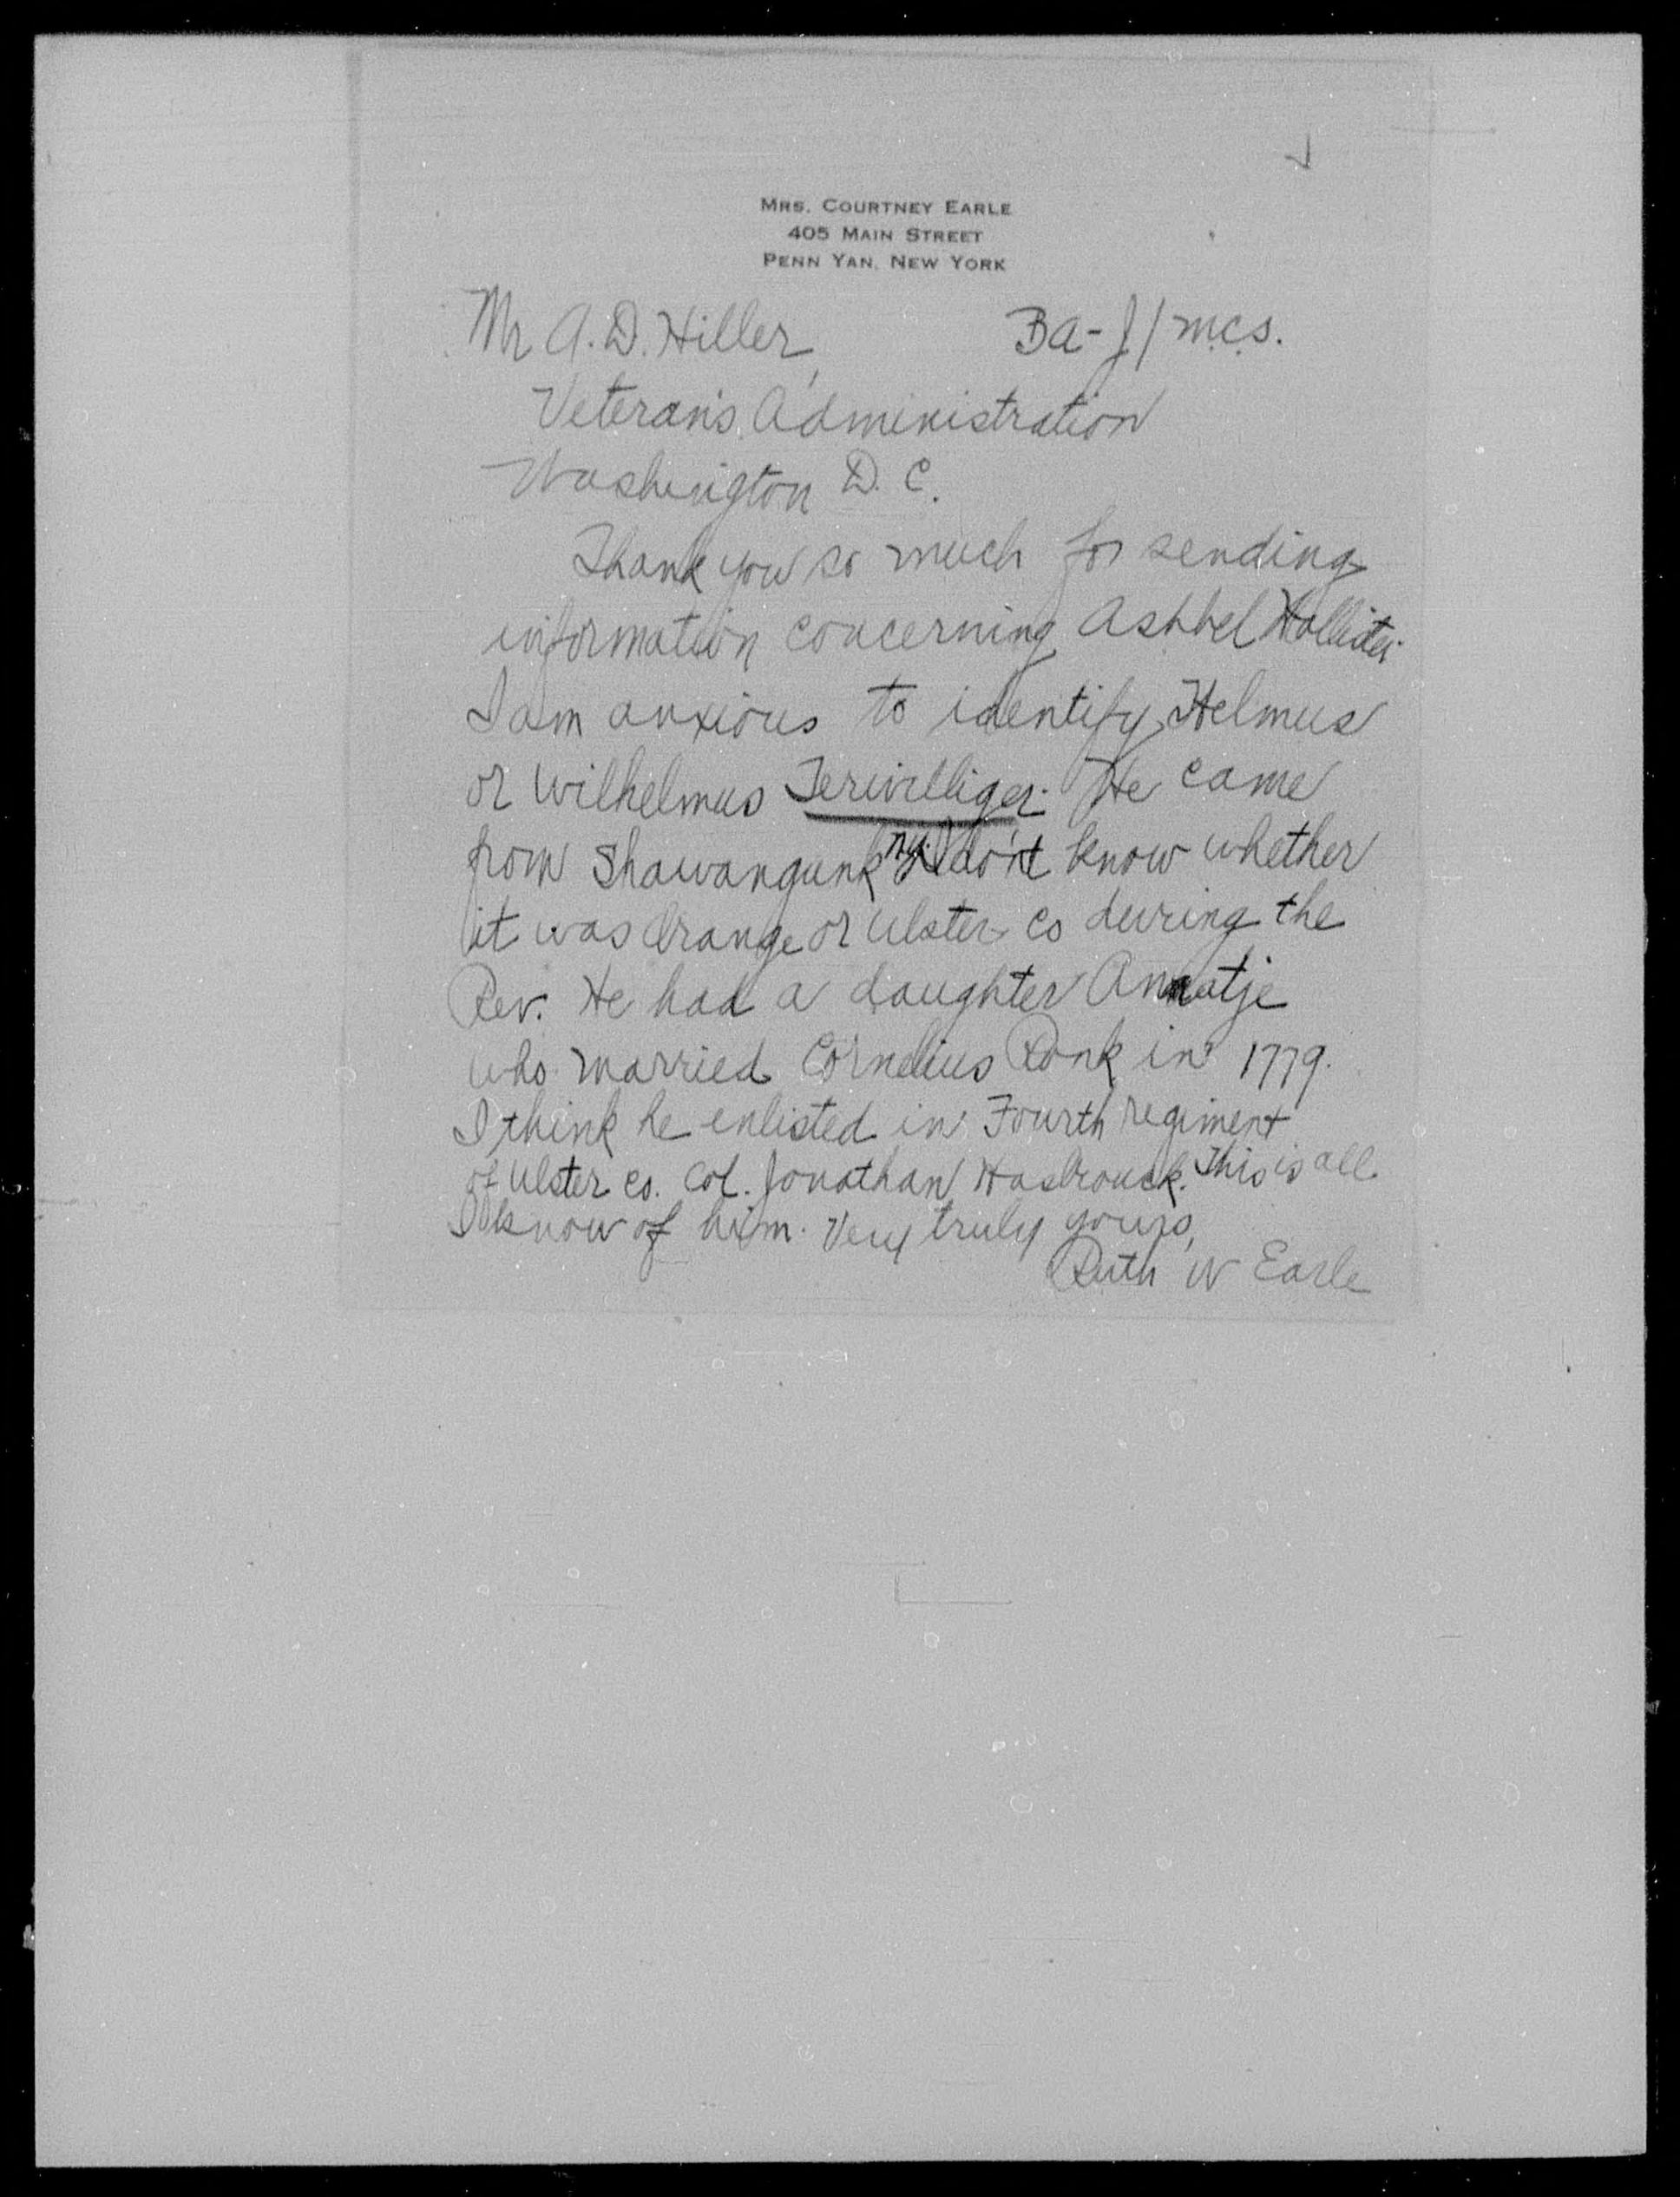MRS. COUNTNEY EARLE
405 MAIN STREET
PENN YAN, NEW YORK

Ba-J/MCS
Veteran's Administration
Washington D.C
Thank you so much for sending
information concerning Ashbel Hollister
I am anxious to identify Helmus
or Wilhelmas Terwilliger. He came
from Shawangunk  NY. Don't know whether
it was Orange of Ulster Co during the
Rev. He had a daughter Annatje
who married Cornelius Conklin in 1779
I think he enlisted in Fourth regiment
of Ulster Co. Col. Jonathan Hasbrouck. This is all
I know of him very truly yours
Ruth W Earle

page: 18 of 64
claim: survivor's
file: S. 42,464, for William Terwilliger, New York